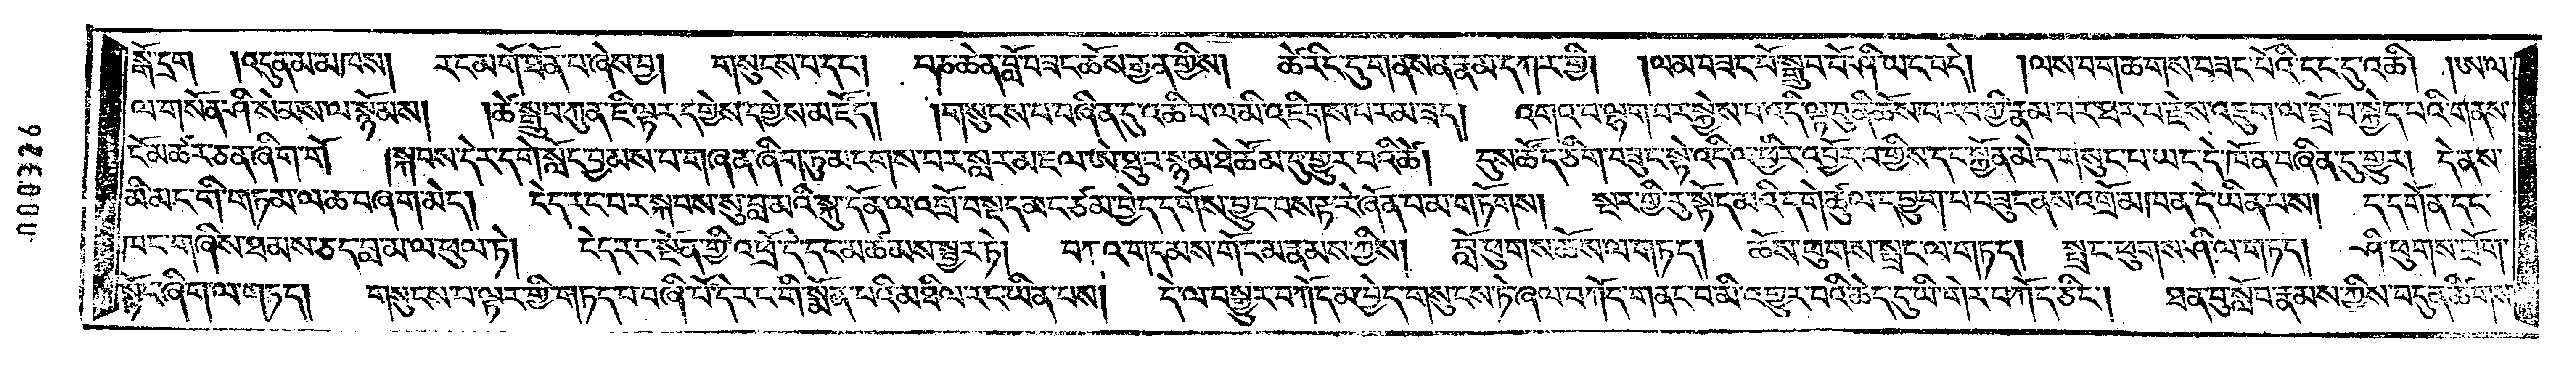སྒོ་དྲག །འདུན་མ་མཁས། རང་མགོ་ཐོན་པ་ཞེས་བྱ། གསུངས་པ་དང་། པཎ་ཆེན་བློ་བཟང་ཆོས་རྒྱན་གྱིས། ཚེ་རིང་དུ་གནས་ན་རྣམ་དཀར་གྱི། །ལམ་བཟང་པོ་སྒྲུབ་པོ་ཤི་ཡང་བདེ། །ལས་བག་ཆགས་བཟང་པོའི་ངང་དུ་འཆི། །ཨ་ལ་
ལ་གསོན་ཤི་སེམས་ལ་སྙོམས། །ཚེ་སྒྲུབ་ཀུན་ཇི་ལྟར་དགྱེས་དགྱེས་མཛོད། །གསུངས་པ་བཞིན་དུ་འཆི་བ་ལ་མི་འཇིགས་པར་མ་ཟད། འགའ་བ་ལྷག་པར་སྐྱེས་པ་འདི་ལྟ་བུ་ནི་ཆོས་པ་རབ་ཀྱི་རྣམ་པར་ཐར་པ་རྗེས་འཇུག་ལ་སྤྲོ་བ་སྐྱེད་པའི་གནས་
ངོ་མཚར་ཅན་ཞིག་གོ །སྐབས་དེར་དགེ་སློང་བྱམས་པ་གཞན་ཞིག་ཏུ་མངགས་བར་སླར་མཇལ་ཨེ་ཐུབ་སྙམ་ཐེ་ཚོམ་དུ་གྱུར་པའི་ཚེ། དུས་ཚོད་ཅིག་བཟུང་སྟེ་འདི་ལ་ཕྱིར་འབྱོར་བ་གྱིས་དང་སྐྱོན་མེད་གསུང་བ་ཡང་དེ་ཁོ་ན་བཞིན་དུ་གྱུར། དེ་ནས་
མི་མང་གི་གཏམ་ལ་ཆ་བཞག་མེད། ངེད་རང་བར་སྐབས་སུ་བླ་མའི་སྐུ་དོན་ལ་འགྲོ་བསྡད་མང་ཙམ་བྱེད་དགོས་བྱུང་བས་རྟ་རེ་ཞོན་པ་མ་གཏོགས། སྔར་གྱི་རུ་སྟོད་མའི་དགེ་ཚུལ་དབྱུག་བ་བཟུང་ནས་འགྲོ་མཁན་དེ་ཡིན་པས། ད་དགོན་དང་
ཁང་གཞིས་ཐམས་ཅད་བླ་མ་ལ་ཕུལ་ཏེ། ངེད་རང་སྔོན་གྱི་འཕྲོ་དེ་དང་མཚམས་སྦྱར་ཏེ། བཀའ་གདམས་གོང་མ་རྣམས་ཀྱིས། བློ་ཕུགས་ཆོས་ལ་གཏད། ཆོས་ཕུགས་སྦྲང་ལ་གཏད། སྤྲང་ཕུགས་ཤི་ལ་གཏད། ཤི་ཕུགས་བྲོག་
སྟོང་ཞིག་ལ་གཏད། གསུངས་པ་ལྟར་གྱི་གཏད་པ་བཞི་པོ་དེ་རང་གི་སྨོན་པའི་མཐིལ་རང་ཡིན་པས། དེ་ལ་བསྒྱུར་བཀོད་མ་བྱེད་གསུངས་ཏེ་ཞལ་བཀོད་གནང་བ་མི་འགྱུར་བའི་ཆེད་དུ་ཡི་གེར་བཀོད་ཅིང་། ཐ་ན་བུ་སློབ་རྣམས་ཀྱིས་བདུན་ཚིགས་